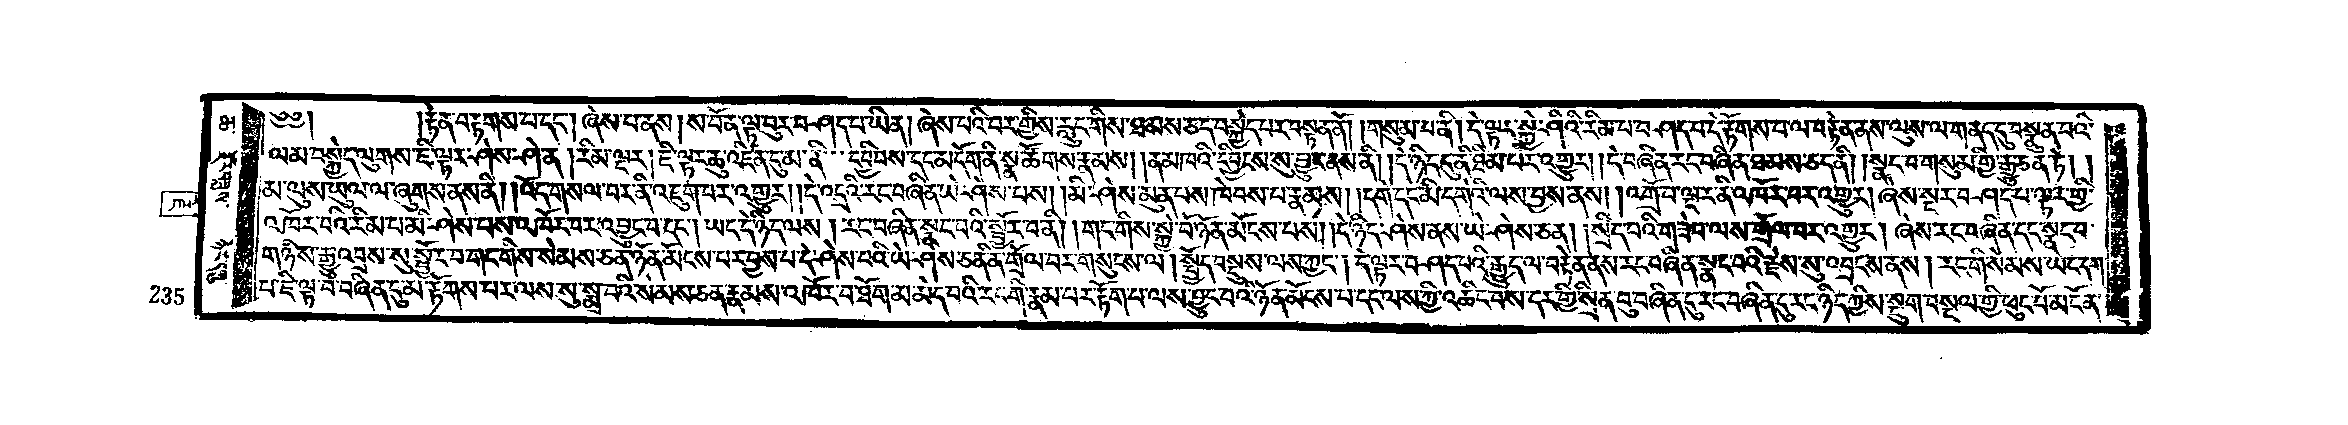༄༅། །རྟེན་བརྟགས་པ་དང་། ཞེས་པ་ནས། ས་བོན་ལྟ་བུར་བཤད་པ་ཡིན། ཞེས་པའི་བར་གྱིས་རླུང་གིས་ཐམས་ཅད་བསྐྱེད་པར་བསྟན་ནོ། །གསུམ་པ་ནི། དེ་ལྟར་སྐྱེ་ཤིའི་རིམ་པ་བཤད་པ་དེ་རྟོགས་པ་ལ་བརྟེན་ནས་ལུས་ལ་གནད་དུ་བསྣུན་པའི་
ལམ་བསྐྱེད་ལུགས་ཇི་ལྟར་ཤེས་ཤེ་ན། རིམ་ལྔར། ཇི་ལྟར་ཆུ་འཛིན་དུ་མ་ནི་དབྱིབས་དང་མདོག་ནི་སྣ་ཚོགས་རྣམས། །ནམ་མཁའི་དབྱིངས་སུ་བྱུང་ནས་ནི། །དེ་ཉིད་དུ་ནི་ཐིམ་པར་འགྱུར། །དེ་བཞིན་རང་བཞིན་ཐམས་ཅད་ནི། །སྣང་བ་གསུམ་གྱི་རྒྱུ་ཅན་ཏེ། །
མ་ལུས་ཡུལ་ལ་ཞུགས་ནས་ནི། །འོད་གསལ་བར་ནི་འཇུག་པར་འགྱུར། །དེ་འདྲའི་རང་བཞིན་ཡེ་ཤེས་པས། །མི་ཤེས་མུན་པས་ཁེབས་པ་རྣམས། །དགེ་དང་མི་དགེའི་ལས་བྱས་ནས། །འགྲོ་བ་ལྔར་ནི་འཁོར་བར་འགྱུར། །ཞེས་སྔར་བཤད་པ་ལྟར་གྱི་
འཁོར་བའི་རིམ་པ་མི་ཤེས་པས་འཁོར་བར་འབྱུང་བ་དང་། ཡང་དེ་ཉིད་ལས། རང་བཞིན་སྣང་བའི་སྦྱོར་བ་ནི། །གང་གིས་སྐྱེ་བོ་ཉོན་མོངས་པས། །དེ་ཉིད་ཤེས་ནས་ཡེ་ཤེས་ཅན། །སྲིད་པའི་གཟེབ་ལས་གྲོལ་བར་འགྱུར། ཞེས་རང་བཞིན་དང་སྣང་བ་
གཉིས་རྒྱུ་འབྲས་བུ་སྦྱོར་བ་གང་གིས་སེམས་ཅན་ཉོན་མོངས་པར་བྱས་པ་དེ་ཤེས་པའི་ཡེ་ཤེས་ཅན་ནི་གྲོལ་བར་གསུངས་ལ། སྤྱོད་བསྡུས་ལས་ཀྱང་། དེ་ལྟར་བཤད་པའི་རྒྱུད་ལ་བརྟེན་ནས་རང་བཞིན་སྣང་བའི་རྗེས་སུ་འབྲངས་ནས། རང་གི་སེམས་ཡང་དག་
པ་ཇི་ལྟ་བ་བཞིན་དུ་མ་རྟོགས་པར་ལས་སུ་སྨྲ་བའི་སེམས་ཅན་རྣམས་འཁོར་བ་ཐོག་མ་མེད་པའི་རང་གི་རྣམ་པར་རྟོག་པ་ལས་བྱུང་བའི་ཉོན་མོངས་པ་དང་ལས་ཀྱི་འཆིང་བས་དར་གྱི་སྲིན་བུ་བཞིན་དུ་རང་བཞིན་དུ་རང་ཉིད་ཀྱིས་སྡུག་བསྔལ་གྱི་ཕུང་པོ་མངོན་